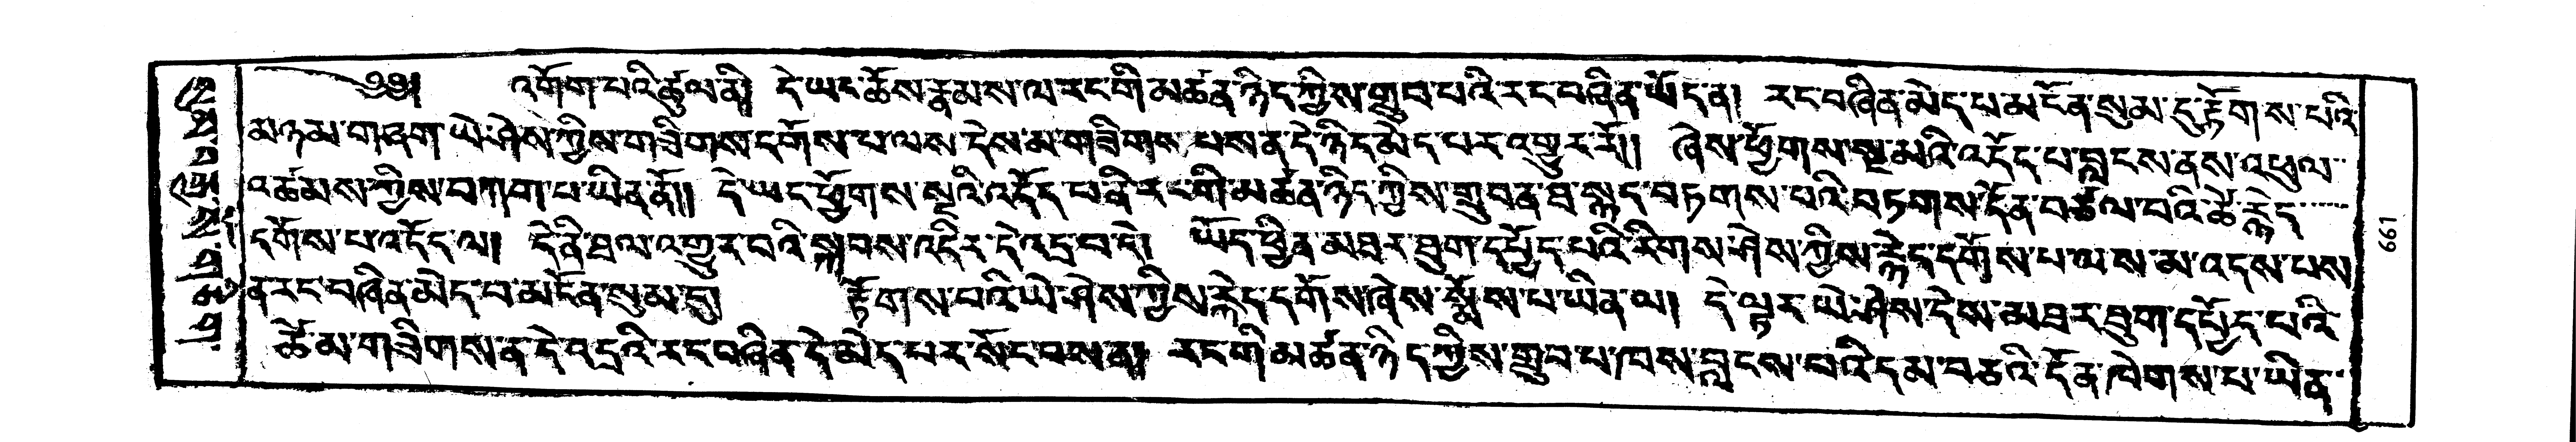༄༅། །འགོག་པའི་ཚུལ་ནི། དེ་ཡང་ཆོས་རྣམས་ལ་རང་གི་མཚན་ཉིད་ཀྱིས་གྲུབ་པའི་རང་བཞིན་ཡོད་ན། རང་བཞིན་མེད་པ་མངོན་སུམ་དུ་རྟོགས་པའི་
མཉམ་གཞག་ཡེ་ཤེས་ཀྱིས་གཟིགས་དགོས་པ་ལས་དེས་མ་གཟིགས་པས་ན་དེ་ཉིད་མེད་པར་འགྱུར་རོ། །ཞེས་ཕྱོགས་སྔ་མའི་འདོད་པ་བླངས་ནས་འཕུལ་
འཚམས་ཀྱིས་བཀག་པ་ཡིན་ནོ། །དེ་ཡང་ཕྱོགས་སྔའི་འདོད་པ་ནི་རང་གི་མཚན་ཉིད་ཀྱིས་གྲུབ་ན་ཐ་སྙད་བཏགས་པའི་བཏགས་དོན་བཙལ་བའི་ཚེ་རྙེད་
དགོས་པ་འདོད་ལ། དེ་ནི་ཐལ་འགྱུར་བའི་སྐབས་འདིར་དེ་འདྲ་བ་དེ། ཡོད་ཕྱིན་མཐར་ཐུག་དཔྱོད་པའི་རིགས་ཤེས་ཀྱིས་རྙེད་དགོས་པ་ལས་མ་འདས་པས་
ན་རང་བཞིན་མེད་པ་མངོན་སུམ་དུ། རྟོགས་པའི་ཡེ་ཤེས་ཀྱིས་རྙེད་དགོས་ཞེས་སྨོས་པ་ཡིན་ལ། དེ་ལྟར་ཡེ་ཤེས་དེས་མཐར་ཐུག་དཔྱོད་པའི་
ཚེ་མ་གཟིགས་ན་དེ་འདྲའི་རང་བཞིན་དེ་མེད་པར་སོང་བས་ན། རང་གི་མཚན་ཉིད་ཀྱིས་གྲུབ་པ་ཁས་བླངས་པའི་དམ་བཅའི་དོན་ཁེགས་པ་ཡིན་